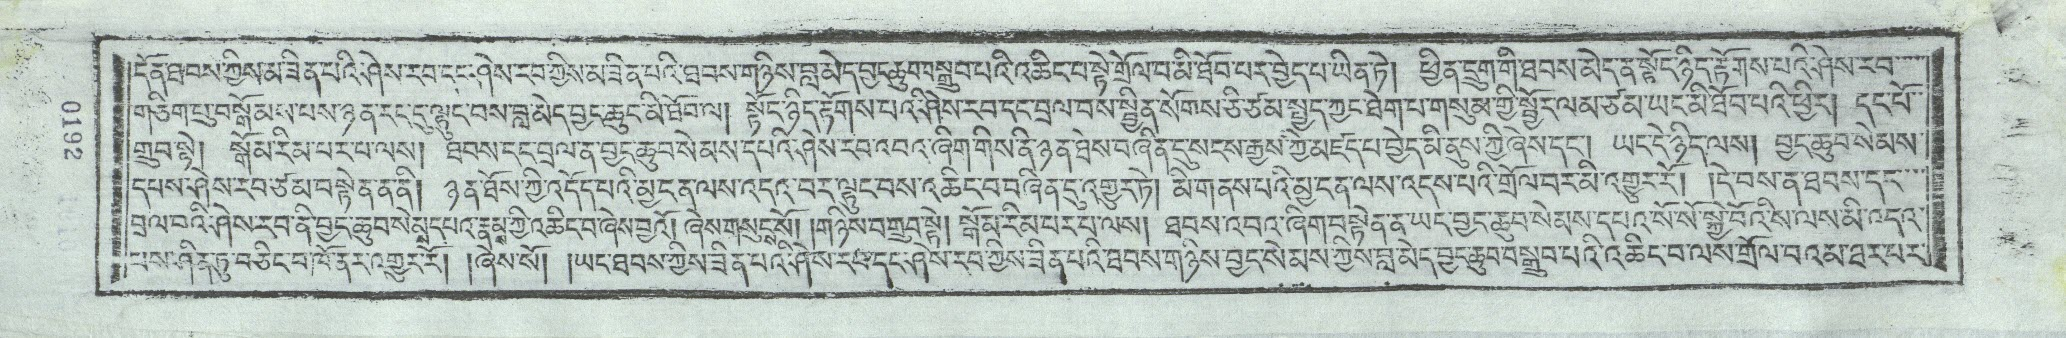དོན་ཐབས་ཀྱིས་མ་ཟིན་པའི་ཤེས་རབ་དང་ཤེས་རབ་ཀྱིས་མ་ཟིན་པའི་ཐབས་གཉིས་བླ་མེད་བྱང་ཆུབ་བསྒྲུབ་པའི་འཆིང་བ་སྟེ་གྲོལ་བ་མི་ཐོབ་པར་བྱེད་པ་ཡིན་ཏེ། ཕྱིན་དྲུག་གི་ཐབས་མེད་ན་སྟོང་ཉིད་རྟོགས་པའི་ཤེས་རབ་
གཅིག་པུ་བསྒོམས་པས་ཉན་རང་དུ་ལྟུང་བས་བླ་མེད་བྱང་ཆུབ་མི་ཐོབ་ལ། སྟོང་ཉིད་རྟོགས་པའི་ཤེས་རབ་དང་བྲལ་བས་སྦྱིན་སོགས་ཅི་ཙམ་སྤྱད་ཀྱང་ཐེག་པ་གསུམ་གྱི་སྦྱོར་ལམ་ཙམ་ཡང་མི་ཐོབ་པའི་ཕྱིར། དང་པོ་
གྲུབ་སྟེ། སྒོམ་རིམ་པར་པ་ལས། ཐབས་དང་བྲལ་ན་བྱང་ཆུབ་སེམས་པའི་ཤེས་རབ་འབའ་ཞིག་གིས་ནི་ཉན་ཐོས་བཞིན་དུ་སངས་རྒྱས་ཀྱི་མཛད་པ་བྱེད་མི་ནུས་ཀྱི་ཞེས་དང་། ཡང་དེ་ཉིད་ལས། བྱང་ཆུབ་སེམས་
དཔས་ཤེས་རབ་ཙམ་བསྟེན་ན་ནི། ཉན་ཐོས་ཀྱི་འདོད་པའི་མྱ་ངན་ལས་འདའ་བར་ལྟུང་བས་འཆིང་བ་བཞིན་དུ་འགྱུར་ཏེ། མི་གནས་པའི་མྱ་ངན་ལས་འདས་པའི་གྲོལ་བར་མི་འགྱུར་རོ། །དེ་བས་ན་ཐབས་དང་
བྲལ་བའི་ཤེས་རབ་ནི་བྱང་ཆུབ་སེམས་དཔའ་རྣམས་ཀྱི་འཆིང་བ་ཞེས་བྱའོ། ཞེས་གསུངས་སོ། །གཉིས་པ་གྲུབ་སྟེ། སྒོམ་རིམ་པར་པ་ལས། ཐབས་འབའ་ཞིག་བསྟེན་ན་ཡང་བྱང་ཆུབ་སེམས་དཔའ་སོ་སོ་སྐྱེ་བོའི་ས་ལས་མི་འདའ་
པས་ཤིན་ཏུ་བཅིང་བ་ཁོ་ནར་འགྱུར་རོ། །ཞེས་སོ། །ཡང་ཐབས་ཀྱིས་ཟིན་པའི་ཤེས་རབ་དང་ཤེས་རབ་ཀྱིས་ཟིན་པའི་ཐབས་གཉིས་བྱང་སེམས་ཀྱིས་བླ་མེད་བྱང་ཆུབ་བསྒྲུབ་པའི་འཆིང་བ་ལས་གྲོལ་བའམ་ཐར་པར་